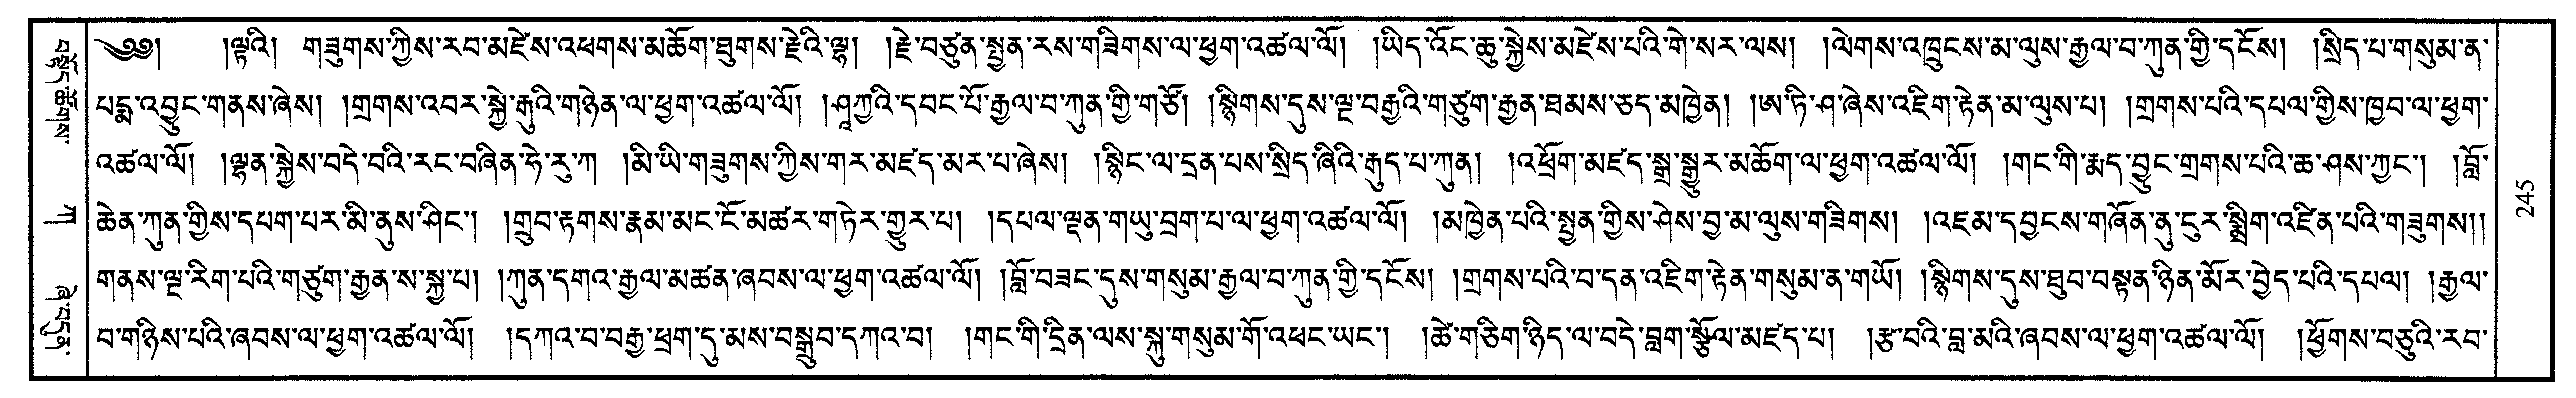༄༅། །ལྟའི། གཟུགས་ཀྱིས་རབ་མཛེས་འཕགས་མཆོག་ཐུགས་རྗེའི་ལྷ། །རྗེ་བཙུན་སྤྱན་རས་གཟིགས་ལ་ཕྱག་འཚལ་ལོ། །ཡིད་འོང་ཆུ་སྐྱེས་མཛེས་པའི་གེ་སར་ལས། །ལེགས་འཁྲུངས་མ་ལུས་རྒྱལ་བ་ཀུན་གྱི་དངོས། །སྲིད་པ་གསུམ་ན་
པདམ་འབྱུང་གནས་ཞེས། །གྲགས་འབར་སྐྱེ་རྒུའི་གཉེན་ལ་ཕྱག་འཚལ་ལོ། །ཤཱཀྱའི་དབང་པོ་རྒྱལ་བ་ཀུན་གྱི་གཙོ། །སྙིགས་དུས་ལྔ་བརྒྱའི་གཙུག་རྒྱན་ཐམས་ཅད་མཁྱེན། །ཨ་ཏི་ཤ་ཞེས་འཇིག་རྟེན་མ་ལུས་པ། །གྲགས་པའི་དཔལ་གྱིས་ཁྱབ་ལ་ཕྱག་
འཚལ་ལོ། །ལྷན་སྐྱེས་བདེ་བའི་རང་བཞིན་ཧེ་རུ་ཀ །མི་ཡི་གཟུགས་ཀྱིས་གར་མཛད་མར་པ་ཞེས། །སྙིང་ལ་དྲན་པས་སྲིད་ཞིའི་རྒུད་པ་ཀུན། །འཕྲོག་མཛད་སྒྲ་སྒྱུར་མཆོག་ལ་ཕྱག་འཚལ་ལོ། །གང་གི་རྨད་བྱུང་གྲགས་པའི་ཆ་ཤས་ཀྱང་། །བློ་
ཆེན་ཀུན་གྱིས་དཔག་པར་མི་ནུས་ཤིང་། །གྲུབ་རྟགས་རྣམ་མང་ངོ་མཚར་གཏེར་གྱུར་པ། །དཔལ་ལྡན་གཡུ་བྲག་པ་ལ་ཕྱག་འཚལ་ལོ། །མཁྱེན་པའི་སྤྱན་གྱིས་ཤེས་བྱ་མ་ལུས་གཟིགས། །འཇམ་དབྱངས་གཞོན་ནུ་ངུར་སྨྲིག་འཛིན་པའི་གཟུགས། །
གནས་ལྔ་རིག་པའི་གཙུག་རྒྱན་ས་སྐྱ་པ། །ཀུན་དགའ་རྒྱལ་མཚན་ཞབས་ལ་ཕྱག་འཚལ་ལོ། །བློ་བཟང་དུས་གསུམ་རྒྱལ་བ་ཀུན་གྱི་དངོས། །གྲགས་པའི་བ་དན་འཇིག་རྟེན་གསུམ་ན་གཡོ། སྙིགས་དུས་ཐུབ་བསྟན་ཉིན་མོར་བྱེད་པའི་དཔལ། །རྒྱལ་
བ་གཉིས་པའི་ཞབས་ལ་ཕྱག་འཚལ་ལོ། །དཀའ་བ་བརྒྱ་ཕྲག་དུ་མས་བསྒྲུབ་དཀའ་བ། །གང་གི་དྲིན་ལས་སྐུ་གསུམ་གོ་འཕང་ཡང་། །ཚེ་གཅིག་ཉིད་ལ་བདེ་བླག་སྩོལ་མཛད་པ། །རྩ་བའི་བླ་མའི་ཞབས་ལ་ཕྱག་འཚལ་ལོ། །ཕྱོགས་བཅུའི་རབ་